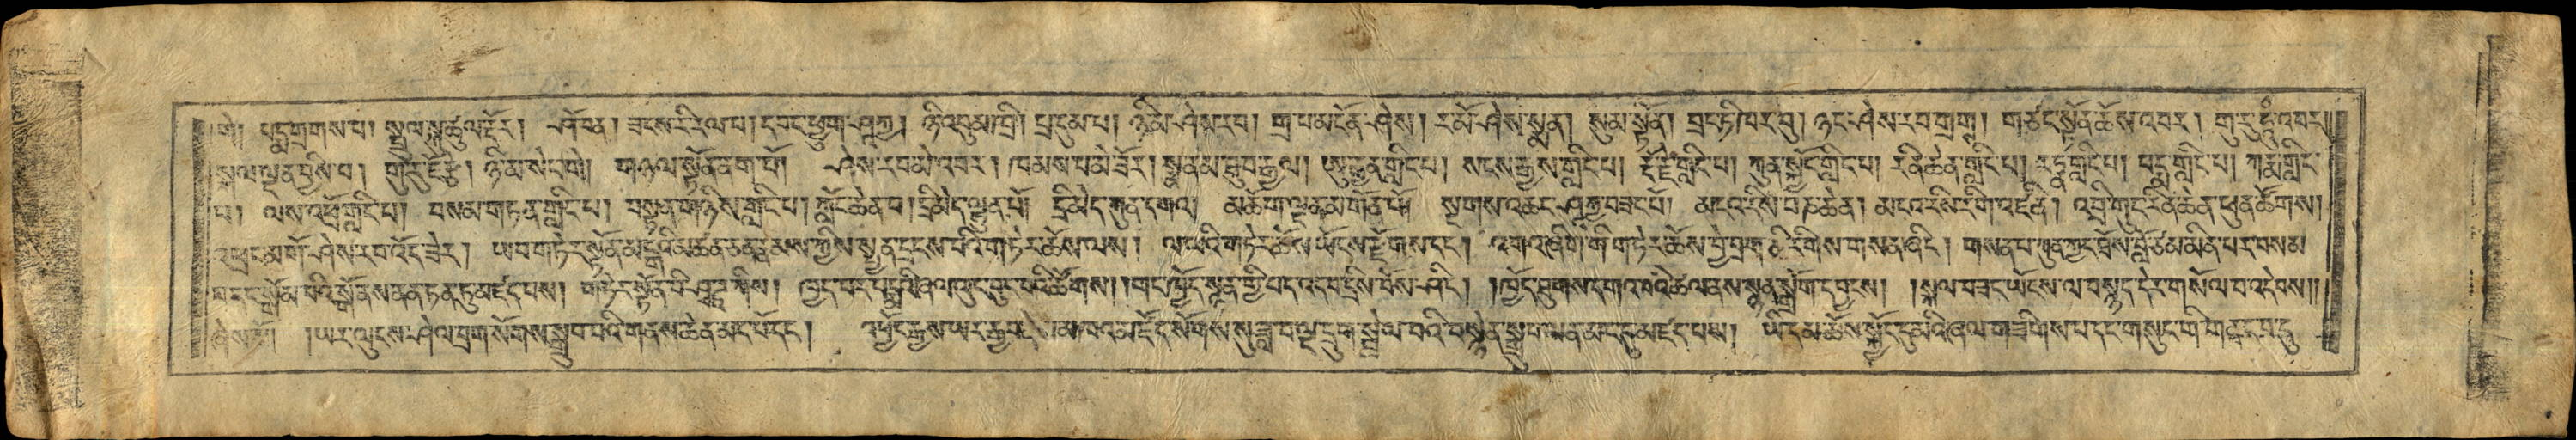གེ། པདམ་གྲགས་པ། སྤྲུལ་སྐུ་ཚུལ་རྡོར། ཤོ་བན། ཟངས་རི་རལ་པ། དབང་ཕྱུག་ཤཱཀྱ། ཉི་འབུམ་ཁྲི། པྲ་དུམ་པ། ཉི་མ་ཤེས་རབ། གྲ་པ་མངོན་ཤས། ར་མོ་ཤེས་སྨན། སུམ་སྟོན། བྲང་ཏི་ཁར་བུ། ཉང་ཤེས་རབ་གྲགས། གཙང་སྟོན་ཆོས་འབར། གུ་རུ་ཧཱུཾ་འབར།
སྐལ་ལྡན་བྱིས་བ། གུ་རུ་ཇོ་རྩེ། ཉི་མ་སེང་གེ། གཉལ་སྟོན་ནག་པོ། ཤེས་རབ་མེ་འབར། ཁམས་བ་མེ་ཟོར། སྣ་ནམ་ཐུབ་རྒྱལ། ཨུ་རྒྱན་གླིང་པ། སངས་རྒྱས་གླིང་པ། རྡོ་རྗེ་གླིང་པ། ཀུན་སྐྱོང་གླིང་པ། རིན་ཆེན་གླིང་པ། རཏྣ་གླིང་པ། པདམ་གླིང་པ། ཀརྨ་གླིང་
པ། ལས་འཕྲོ་གླིང་པ། བསམ་གཏན་གླིང་པ། བསྟན་གཉིས་གླིང་པ། ཀློང་ཆེན་པ། དྲི་མེད་ལྷུན་པོ། དྲི་མེད་ཀུན་དགའ། མཆོག་ལྡན་མགོན་པོ། སྔགས་འཆང་ཤཱཀྱ་བཟང་པོ། མངའ་རིས་པཎ་ཆེན། མངའ་རིས་སྲིག་འཛིན། འབྲི་གུང་རིན་ཆེན་ཕུན་ཚོགས།
འཕྲང་མགོ་ཤེས་རབ་འོད་ཟེར། ཡབ་གཏེར་སྟོན་མངྒའི་མཚན་ཅན་རྣམས་ཀྱིས་སྤྱན་དྲངས་པའི་གཏེར་ཆོས་ལས། ལ་ལའི་གཏེར་ཆོས་ཡོངས་རྫོགས་དང་། འགའ་ཞིག་གི་གཏེར་ཆོས་བྱེ་བྲག་རིགས་གསན་ཞིང་། གསན་པ་ཀུན་ཀྱང་ཐོས་བློ་ཙམ་མིན་པར་བསམ་
བ་དང་སྒོམ་པའི་སྒོ་ནས་ནན་ཏན་ཏུ་མཛད་པས། གཏེར་སྟོན་བི་ཤྭཌཱ་ཀིས། ཁྱད་པར་པདམའི་ཞལ་ལུང་བུང་བའི་ཚོགས། །གང་ཁྱོད་སྙན་གྱི་བད་འདབ་དྲིས་བོས་ཤིང་། །ཁྱོད་ཐུགས་དགའ་བའི་ཚལ་ནས་སྙན་སྒྲོག་དབྱངས། །སྐལ་བཟང་ཡོངས་ལ་བསྙད་དེར་གསོལ་བ་འདེབས།།
ཞེས་སོ། །ཡར་ལུངས་ཤེལ་བྲག་སོགས་སྒྲུབ་པའི་གནས་ཆེན་མང་པོ་དང་། འཕྱོང་རྒྱས་ཡར་རྒྱབ་ནམ་མཁའ་མཛོད་སོགས་སུ་ཟླ་བ་ལྔ་དྲུག་སྦྲེལ་བའི་བསྙེན་སྒྲུབ་ལན་མང་དུ་མཛད་པས། ཡི་དམ་ཆོས་སྐྱོང་དུ་མའི་ཞལ་གཟིགས་པ་དང་གསུང་གི་གནང་བ་དུ་